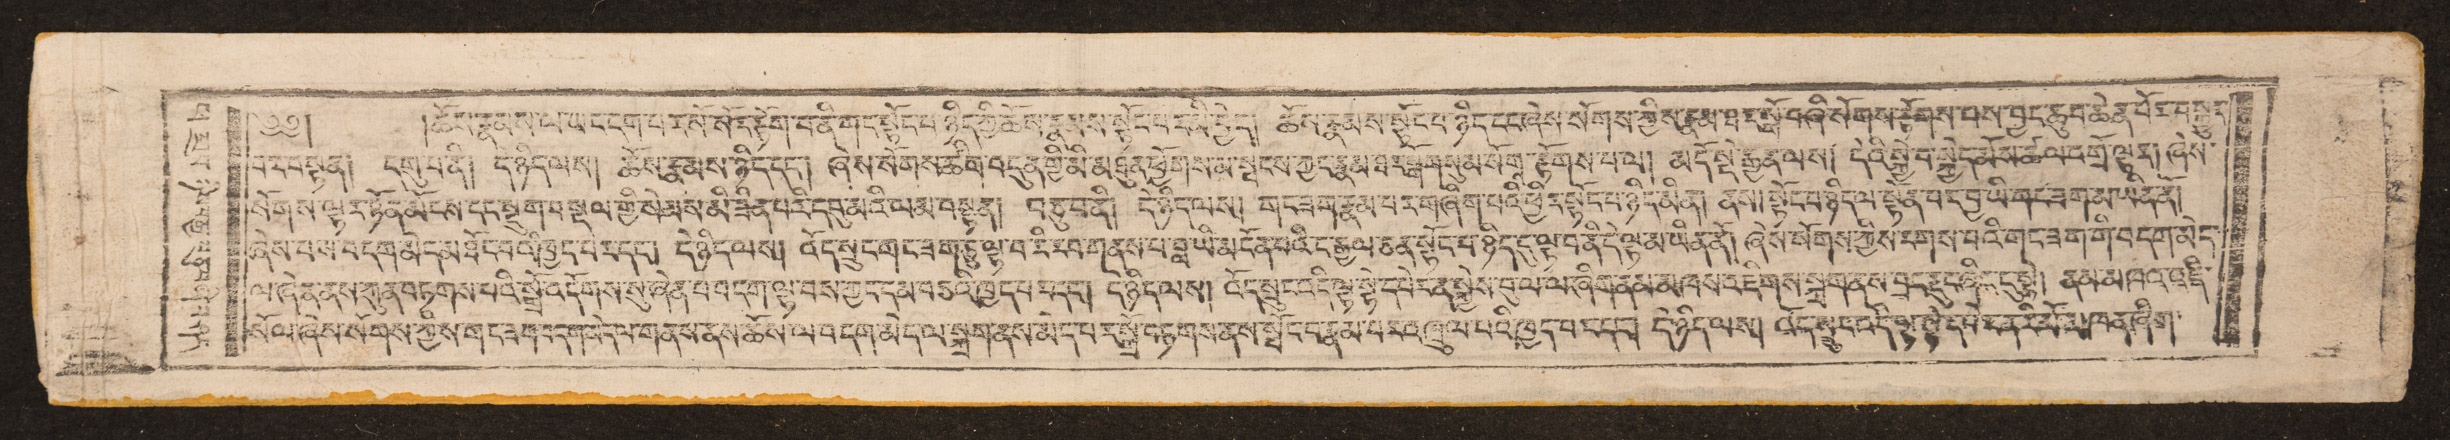༄༅། །ཆོས་རྣམས་ལ་ཡང་དག་པར་སོ་སོར་རྟོག་པ་ནི་གང་སྟོང་པ་ཉིད་ཀྱི་ཆོས་རྣམས་སྟོང་བར་མི་བྱེད། ཆོས་རྣམས་སྟོང་བ་ཉིད་དང་ཞེས་སོགས་ཀྱིས་རྣམ་ཐར་སྒོ་བཞི་སོགས་རྟོགས་པས་བྱང་ཆུབ་ཆེན་པོར་བསྒྱུར་
པར་བསྟན། དགུ་བ་ནི། དེ་ཉིད་ལས། ཆོས་རྣམས་ཉིད་དང་། ཞེས་སོགས་ཚིག་བདུན་གྱི་མི་མཐུན་ཕྱོགས་མ་སྤངས་ཀྱང་རྣམ་ཐར་སྒོ་གསུམ་སོགས་རྟོགས་པ་ལ། མདོ་སྡེ་རྒྱན་ལས། དེའི་སྐྱེ་བ་སྐྱེད་མོས་ཚལ་འགྲོ་ལྟར། ཞེས་
སོགས་ལྟར་ཉོན་མོངས་དང་སྡུག་བསྔལ་གྱི་སེམས་མི་ཟིན་པའི་དབུ་མའི་ལམ་བསྟན། བཅུ་བ་ནི། དེ་ཉིད་ལས། གང་ཟག་རྣམ་པར་གཞིག་པའི་ཕྱིར་སྟོང་བ་ཉིད་མིན། ནས། སྟོང་པ་ཉིད་ལ་སྟོན་པར་བྱ་ཡི་གང་ཟག་མ་ཡིན་ནོ།
ཞེས་པས་བདག་མེད་མཐོང་བའི་ཁྱད་པར་དང་། དེ་ཉིད་ལས། འོད་སྲུང་གང་ཟག་ཏུ་ལྟ་བ་རི་རབ་གནས་པ་བླ་ཡི་མངོན་པའི་ང་རྒྱལ་ཅན་སྟོང་པ་ཉིད་དུ་ལྟ་བ་ནི་དེ་ལྟ་མ་ཡིན་ནོ། ཞེས་སོགས་ཀྱིས་རགས་པའི་གང་ཟག་གི་བདག་མེད་
ལ་ཞེན་ནས་ཀུན་བཏགས་པའི་སྒྲོ་འདོགས་སུ་ཞེན་པ་བདག་ལྟབས་ཀྱང་དམ་བཅའི་ཁྱད་པར་དང་། དེ་ཉིད་ལས། འོད་སྲུང་འདི་ལྟ་སྟེ་དཔེར་ན་སྐྱེས་བུ་ལ་ལ་ཞིག་ནམ་མཁས་འཇིགས་སྐྲག་ནས་བྲང་རྡུང་ཞིང་དུ་སྟེ། ནམ་མཁའ་འདི་
སོལ་ཞེས་སོགས་ཀྱིས་གང་ཟག་བདག་མེད་ལ་གནས་ནས་ཆོས་ལ་བདག་མེད་ལ་སྐྲག་ནས་མེད་པར་སྒྲོ་བཏགས་ནས་སྤོང་བ་རྣམ་པར་འཁྲུལ་པའི་ཁྱད་པར་དང་། དེ་ཉིད་ལས། འོད་སྲུང་འདི་ལྟ་སྟེ་དཔེར་ན་རི་མོ་མཁན་ཞིག་